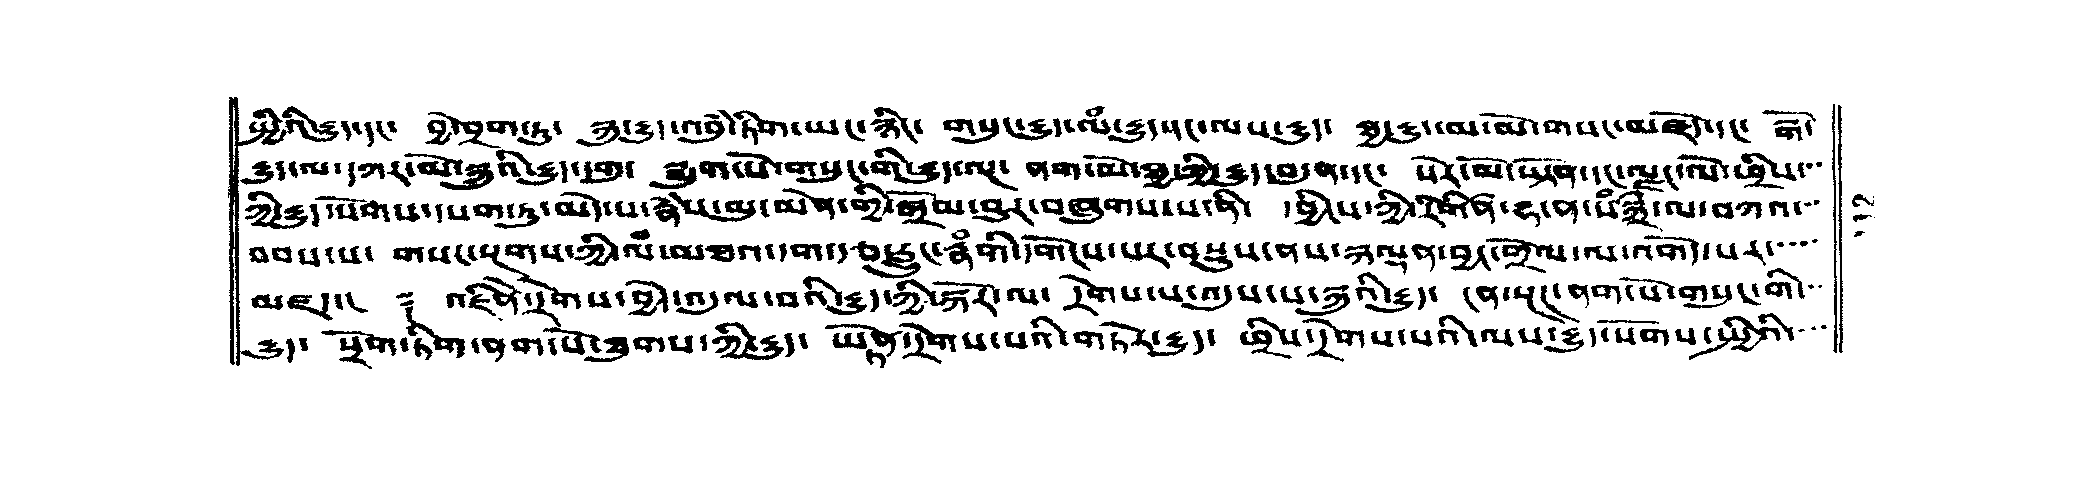སྤྱིའི་རྒྱུད་དང་། བྱེ་བྲག་ཏུ། སྐུ་རྒྱུད་འབུམ་ཏིག་ཡང་སྙིང་། གསུང་རྒྱུད་ལམ་རྒྱུད་དང་ལས་རྒྱུད། ཐུགས་རྒྱུ་མ་མོ་གསང་མཛོད་དང་། སྒོ་
རྒྱུད་ལ་དཀར་མོ་སྐུའི་རྒྱུད་དགུ སྨུག་པོ་གསུང་གི་རྒྱུད་ལྔ། ནག་མོ་ཐུགས་ཀྱི་རྒྱུད་བདུན་དང་། སེར་མོ་ཡོན་ཏན་དང་ལྗང་མོ་ཕྲིན་
ལས་ཀྱི་རྒྱུད་སོགས་དཔག་ཏུ་མེད་པ་རྣམས་མུ་མེན་གྱི་སྒྲོམ་བུར་བཞུགས་པ་ནི། དབྱིངས་ཀྱི་རིག་འཛིན་དྷ་ན་སཾསྐྲྀ་ལ་བཀའ་
བབས་པ། གསང་སྔགས་ཀྱི་ལམ་མཐའ་དག་རྩ་རླུང་རྣམ་དག་གི་དགོངས་པར་བསྡུས་ནས་སྐལ་ལྡན་བྱང་གྲོལ་ལ་འགོད་པར་
མཛད། ༈ འཇིག་རྟེན་དྲེགས་བྱེད་འདུལ་བའི་རྒྱུད་ཀྱི་སྐོད་ལ། དྲེགས་པ་འདུས་པ་སྐུའི་རྒྱུད། ངན་སྔགས་ནག་པོ་གསུང་གི་
རྒྱུད། སྲོག་ཏིག་ནག་པོ་ཐུགས་ཀྱི་རྒྱུད། ཡོན་ཏན་དྲེགས་པའི་གཏོར་རྒྱུད། ཕྲིན་ལས་དྲེགས་པའི་ལས་རྒྱུད་སོགས་སྤྱིའི་